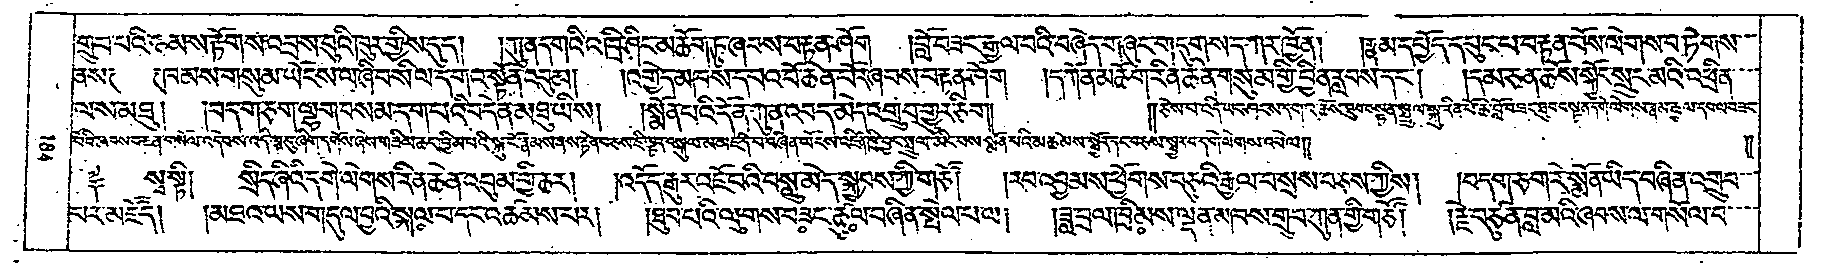གྲུབ་པའི་ཉམས་རྟོགས་འབྲས་བུའི་ཁུར་གྱིས་དུད། །ཀུན་དགའི་འཁྲི་ཤིང་མཆོག་ཏུ་ཞབས་བརྟན་ཤོག །བློ་བཟང་རྒྱལ་བའི་བཞེད་གཞུང་གདུགས་དཀར་ཁྱོན། །རྣམ་དཔྱོད་དཔུང་པ་བརྟན་པོས་ལེགས་བཏེགས་
ནས༑ ༑ཁམས་གསུམ་ཡོངས་ལ་ཞི་བསིལ་དགའ་སྟོན་འབུམ། །འགྱེད་མཁས་དཔའ་བོ་ཆེན་པོར་ཞབས་བརྟན་ཤོག །དཀོན་མཆོག་རིན་ཆེན་གསུམ་གྱི་བྱིན་རླབས་དང་། །དམ་ཅན་ཆོས་སྐྱོང་སྲུང་མའི་འཕྲིན་
ལས་མཐུ། །བདག་ཅག་ལྷག་བསམ་དག་པའི་བདེན་མཐུ་ཡིས། །སྨོན་པའི་དོན་ཀུན་འབད་མེད་འགྲུབ་གྱུར་ཅིག ། །།ཅེས་པ་འདི་ཡང་ཤངས་དགའ་ཆོས་ཐུབ་བསྟན་སྤྲུལ་སྐུ་རིན་པོ་ཆེ་བློ་བཟང་ཐུབ་བསྟན་དགེ་ལེགས་རྣམ་རྒྱལ་དཔལ་བཟང་
པོའི་ཞབས་བརྟན་གསོལ་འདེབས་འདི་ལྟ་བུ་ཞིག་དགོས་ཞེས་གཟིམ་ཆང་ཁྱིམ་པའི་སྐུ་ངོ་རྣམས་ནས་རྟེན་བཅས་ཇི་ལྟར་བསྐུལ་མ་མཛད་པ་བཞིན་ཡོངས་འཛིན་ཁྲི་བྱང་སྤྲུལ་མིང་པས་སྨོན་པའི་མཚམས་སྦྱོར་དང་བཅས་སྦྱར་བ་དགེ་ལེགས་འཕེལ།། །།
༈ སྭ་སྟི། སྲིད་ཞིའི་དགེ་ལེགས་རིན་ཆེན་འབུམ་གྱི་ཆར། །འདོད་རྒུར་འཇོ་བའི་བསླུ་མེད་སྐྱབས་ཀྱི་གཙོ། །རབ་འབྱམས་ཕྱོགས་བཅུའི་རྒྱལ་བ་སྲས་བཅས་ཀྱིས། །བདག་ཅག་རེ་སྨོན་ཡིད་བཞིན་འགྲུབ་
པར་མཛོད། །མཐའ་ཡས་གདུལ་བྱའི་སྐལ྾་བ་དང་འཚམས་པར། །ཐུབ་པའི་ལུགས་བཟང྾་ཚུལ྾་བཞིན་སྤེལ་བ་ལ། །ཟླ་བྲལ་ཁྲིམས྾་ལྡན་མཁས་གྲུབ་ཀུན་གྱི་གཙོ། །རྗེ་བཙུན་བླ་མའི་ཞབས་ལ་གསོལ་བ་